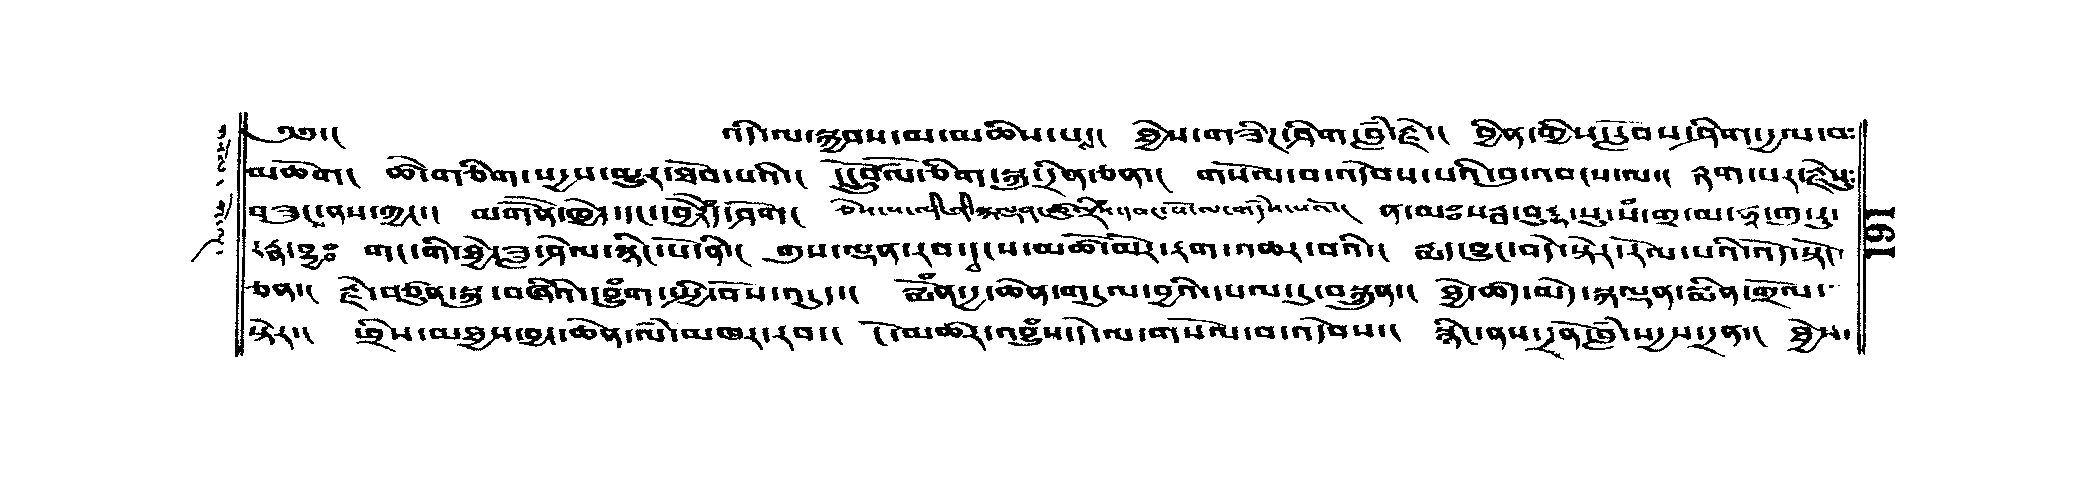།འདི་ལ་སྐྱབས་གཞན་མ་མཆིས་པས། །ཐུགས་རྗེས་གཟིགས་ཤིག་བླ་མ་རྗེ། །བྱིན་གྱིས་རློབས་ཤིག་རྒྱལ་བ་
མཆོག།ཚེ་གཅིག་སངས་རྒྱས་མྱུར་ཐོབ་པའི། །དངོས་གྲུབ་སྩོལ་ཅིག་སྐུ་དྲིན་ཅན། །གསོལ་བ་འདེབས་པའི་བུ་འབངས་ལ། །རྟག་པར་རྗེས་སུ་
བཟུང་ནས་ཀྱང་། །མགོན་པོ་ཁྱེད་དང་དབྱེར་མེད་ཤོག ཅེས་པ་འདི་ནི་སྐལ་ལྡན་ཚུལ་ཁྲིམས་དབང་པོ་ལ་གདམས་པའོ།། ན་མཿསརྦ་བུདྡྷ་སུ་ས་གྲ་མ་ཧཱ་གུ་རུ་
རཏྣ་བྷྱཿ གང་གི་ཐུགས་རྗེ་ཟླ་ཤེལ་སྙིང་པོ་ནི། །གུས་ལྡན་རབ་དྭངས་མཚོ་མོར་རྟག་འཆར་བའི། །རྨད་བྱུང་བདེ་སྟེར་རོལ་པའི་འོད་སྟོང་
ཅན། །རྗེ་བཙུན་སྐུ་བཞིའི་དབང་ཕྱུག་སྤྱི་བོས་འདུད། །སྨོན་ལམ་རྒྱ་ཆེན་གདུལ་བྱའི་དཔལ་དུ་བསྐྲུན། །ཐུགས་རྗེ་ཚད་མེད་སྐལ་ལྡན་སྨིན་གྲོལ་
སྟེར། །ཕྲིན་ལས་མཐའ་ཡས་བྱང་ཆེན་ལམ་འཁར་རབ། །ངོ་མཚར་འབྱུང་གནས་དེ་ལ་གསོལ་བ་འདེབས། །སྙིང་ནས་དྲན་ནོ་བླ་མ་སངས་རྒྱས་དྲན། །ཐུགས་རྗེས་